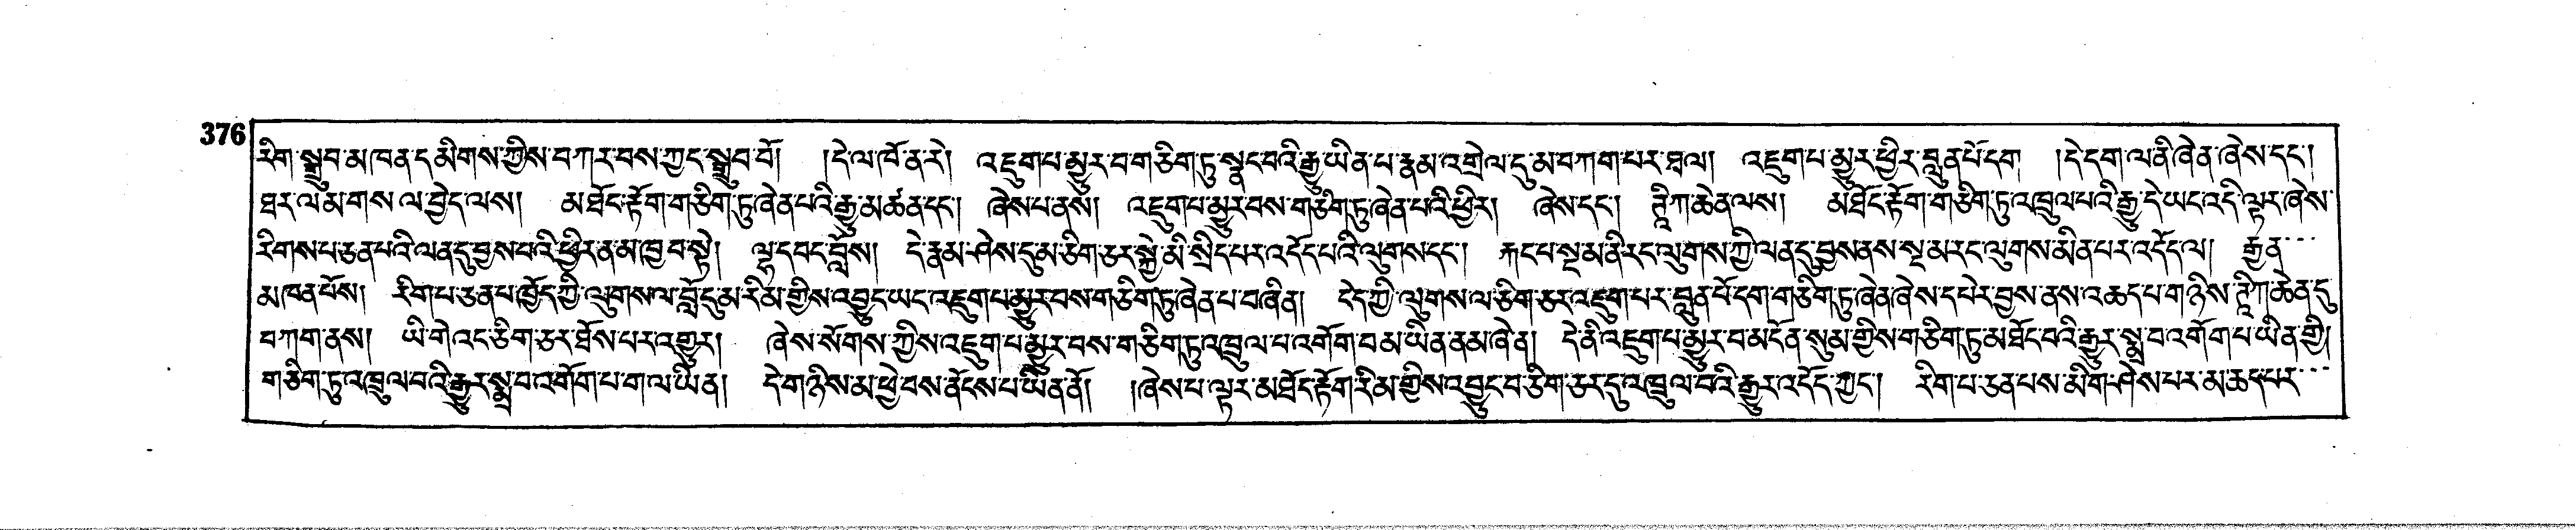རིག་སྒྲུབ་མཁན་དམིགས་ཀྱིས་བ་ཀར་བས་ཀྱང་སྒྲུབ་བོ། །དེ་ལ་ཁོ་ན་རེ། འཇུག་པ་མྱུར་བ་གཅིག་ཏུ་སྣང་བའི་རྒྱུ་ཡིན་པ་རྣམ་འགྲེལ་དུ་མ་བཀག་པར་ཐལ། འཇུག་པ་མྱུར་ཕྱིན་བླུན་པོ་དག །དེ་དག་ལ་ནི་ཞེན་ཞེས་དང་།
ཐར་ལམ་གསལ་བྱེད་ལས། མཐོང་རྟོག་གཅིག་ཏུ་ཞེན་པའི་རྒྱུ་མཚན་དང་། ཞེས་པ་ནས། འཇུག་པ་མྱུར་བས་གཅིག་ཏུ་ཞེན་པའི་ཕྱིར། ཞེས་དང་། ཊཱིཀ་ཆེན་ལས། མཐོང་རྟོག་གཅིག་ཏུ་འཁྲུལ་པའི་རྒྱུ་དེ་ཡང་འདི་ལྟར་ཞེས་
རིགས་པ་ཅན་པའི་ལན་དུ་བྱས་པའི་ཕྱིར་ན་མ་ཁྱབ་སྟེ། ལྷ་དབང་བློས། དེ་རྣམ་ཤེས་དུ་མ་ཅིག་ཅར་སྐྱེ་མི་སྲིད་པར་འདོད་པའི་ལུགས་དང་། རྐང་པ་སྔ་མ་ནི་རང་ལུགས་ཀྱི་ལན་དུ་བྱས་ནས་སྔ་མ་རང་ལུགས་མིན་པར་འདོད་ལ། རྒྱན་
མཁན་པོས། རིག་པ་ཅན་པ་ཁྱོད་ཀྱི་ལུགས་ལ་བློ་དུ་མ་རིམ་གྱིས་འབྱུང་ཡང་འཇུག་པ་མྱུར་བས་གཅིག་ཏུ་ཞེན་པ་བཞིན། ངེད་ཀྱི་ལུགས་ལ་ཅིག་ཅར་འཇུག་པར་བླུན་པོ་དག་གཅིག་ཏུ་ཞེན་ཞེས་དཔེར་བྱས་ནས་འཆད་པ་གཉིས་ཊཱིཀ་ཆེན་དུ་
བཀག་ནས། ཡི་གེའང་ཅིག་ཅར་ཐོས་པར་འགྱུར། ཞེས་སོགས་ཀྱིས་འཇུག་པ་མྱུར་བས་གཅིག་ཏུ་འཁྲུལ་པ་འགོག་པ་མ་ཡིན་ནམ་ཞེ་ན། དེ་ནི་འཇུག་པ་མྱུར་བ་མངོན་སུམ་གྱིས་གཅིག་ཏུ་མཐོང་བའི་རྒྱུར་སྨྲ་བ་འགོག་པ་ཡིན་གྱི།
གཅིག་ཏུ་འཁྲུལ་བའི་རྒྱུར་སྨྲ་བ་འགོག་པ་ག་ལ་ཡིན། དེ་གཉིས་མ་ཕྱེ་བས་ནོངས་པ་ཡིན་ནོ། །ཞེས་པ་ལྟར་མཐོང་རྟོག་རིམ་གྱིས་འབྱུང་བ་ཅིག་ཅར་དུ་འཁྲུལ་བའི་རྒྱུར་འདོད་ཀྱང་། རིག་པ་ཅན་པས་མིག་ཤེས་པར་མ་ཆད་པར་